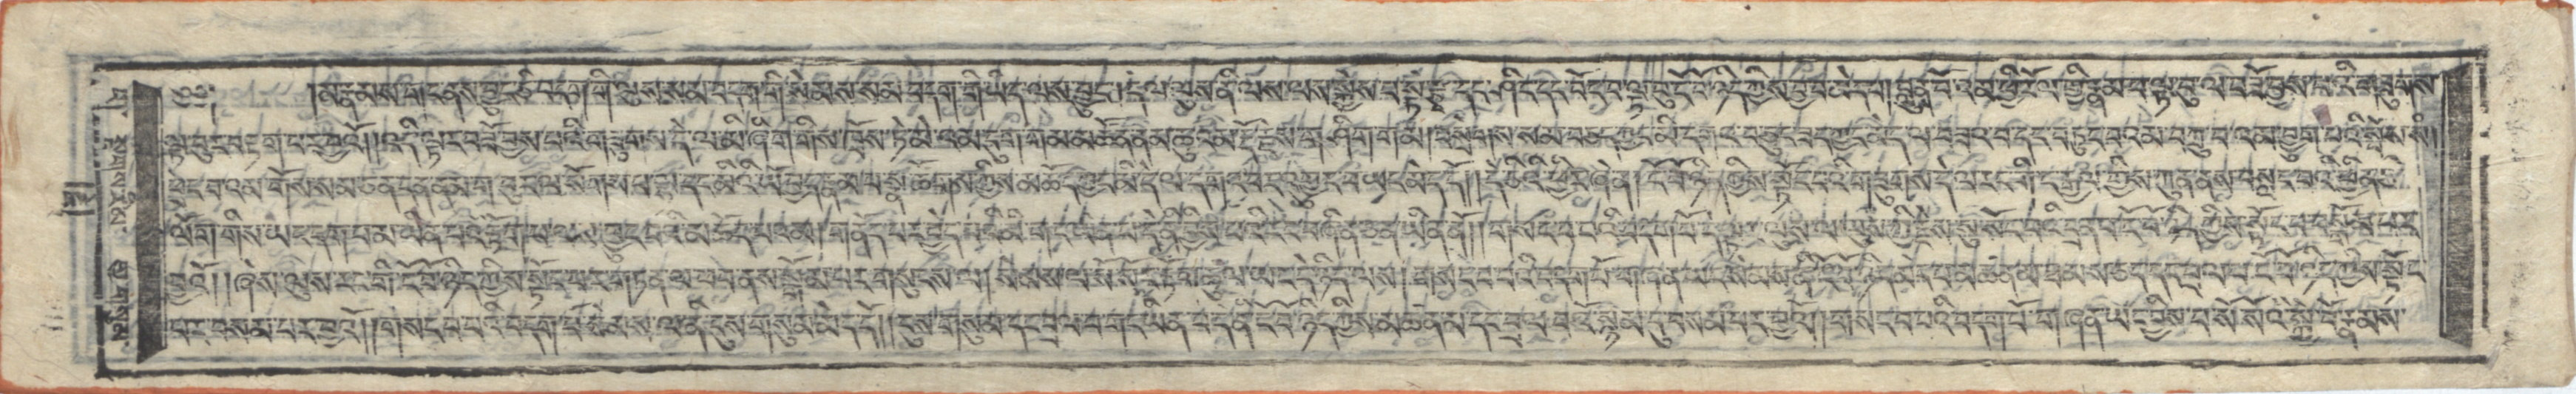༄༅། །མ་རྣམས་གང་ནས་བྱུང་ཅི་བདག་གི་ལུས་སམ་བདག་གི་སེམས་སམ་བདག་གི་ཡིད་ལས་བྱུང་། དེ་ལ་ལུས་ནི་ལས་ལས་སྐྱེས་པ་སྟེ་རྩྭ་དང་ཤིང་དང་བོང་བ་ལྟ་བུ་ངོ་བོ་ཉིད་ཀྱིས་བྱ་བ་མེད་པ། བླུན་པོ་འམ་ཕྱི་རོལ་གྱི་རྣམ་པ་ལྟ་བུ་ལ་བཟོ་བྱས་པའི་གཟུགས་
ལྟ་བུར་བརྟག་པར་བྱའོ། །འདི་ལྟར་བཟོ་བྱས་པའི་གཟུགས་དེ་ལ་མི་ཞིག་གིས་ཁྲོས་ཏེ་མེ་འམ་དུག་གམ་མཚོན་ནམ་ཆུ་འམ་རྡོ་རྗེས་གཤིག་གམ། བསྲེགས་སམ་བཅད་ཀྱང་མི་དགའ་བ་ཅུང་ཟད་ཀྱང་མེད་ལ་བཟའ་བ་དང་བཏུང་བའམ་བཀྲུ་བ་འམ་བྱུག་པའི་སྤོས་སཾ།
ཕྲེང་བ་འམ་གོས་སམ་ཅན་དན་ནམ་ག་བུར་ལ་སོགས་པ་ལྷ་དང་མིའི་ཡོ་བྱད་རྣམ་པ་སྣ་ཚོགས་ཀྱིས་མཆོད་ཀྱང་མི་དེ་ལ་དགའ་བར་འགྱུར་བ་ཡང་མེད་དོ། །དེ་ཅིའི་ཕྱིར་ཞེ་ན། ངོ་བོ་ཉིད་ཀྱིས་སྟོང་པའི་གཟུགས་དེ་ལ་རང་གི་ང་རྒྱལ་གྱིས་ཀུན་ནས་བསླང་བའི་ཕྱིན་ཅི་
ལོག་གིས་ཡང་དག་པ་མ་ཡིན་པའི་རྟོག་པ་ལས་བྱུང་བའི་མཆོད་པའམ། གནོད་པར་བྱེད་པའི་མི་གང་ཡིན་པ་དེ་ནི་བྱིས་པའི་རང་བཞིན་ཅན་ཡིན་ནོ། །གསང་བ་པའི་བདག་པོ་དེ་ལྟར་ལུས་ལ་ལུས་ཀྱི་རྗེས་སུ་སོང་བའི་དྲན་པ་ངོ་བོ་ཉིད་ཀྱིས་སྟོང་པ་བསྒོམ་པར་
བྱའོ། །ཞེས་ལུས་རང་གི་ངོ་བོ་ཉིད་ཀྱིས་སྟོང་པར་གཏན་ལ་ཕབ་ནས་སྒོམ་པར་གསུངས་ལ། སེམས་ལ་སོ་སོར་རྟོག་ཚུལ་ཡང་དེ་ཉིད་ལས། གསང་བ་པའི་བདག་པོ་གཞན་ཡང་སེམས་ནི་ངོ་བོ་ཉིད་མེད་པ་མཚན་མ་ཐམས་ཅད་དང་བྲལ་བ་ངོ་བོ་ཉིད་ཀྱིས་སྟོང་
པར་བསམ་པར་བྱའོ། །གསང་བ་པའི་བདག་པོ་སེམས་ལ་ནི་དུས་གསུམ་མེད་དོ། །དུས་གསུམ་དང་བྲལ་བ་གང་ཡིན་པ་དེ་ནི་ངོ་བོ་ཉིད་ཀྱིས་མཚན་མ་དང་བྲལ་བའོ་སྙམ་དུ་བསམ་པར་བྱའོ། །གསང་བ་པའི་བདག་པོ་གཞན་ཡང་བྱིས་པ་སོ་སོའི་སྐྱེ་བོ་རྣམས་